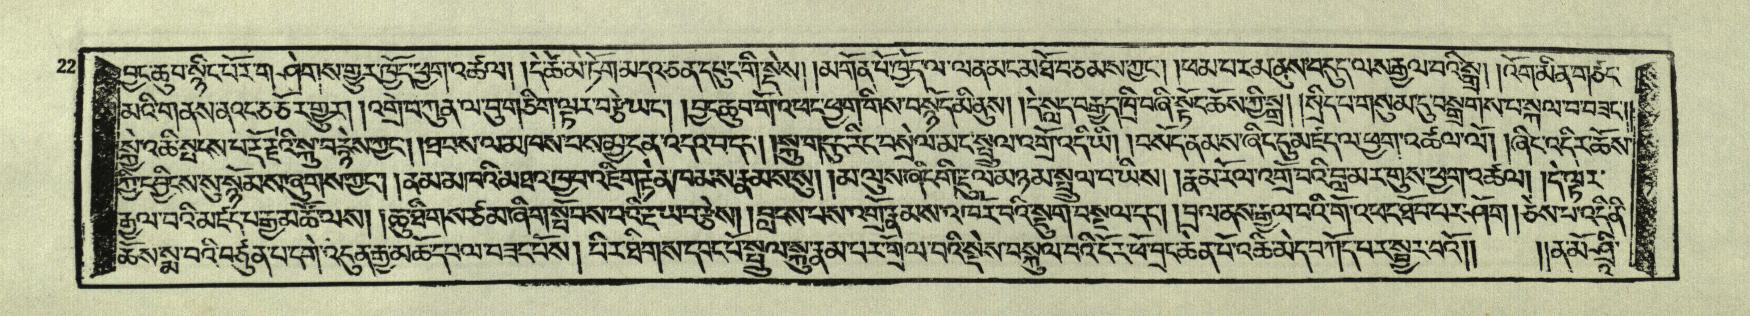བྱང་ཆུབ་སྙིང་པོར་གཤེགས་གྱུར་ཁྱོད་ཕྱག་འཚལ། །དེ་ཚེ་མེ་ཏོག་མདའ་ཅན་དཔུང་གི་སྡེས། །མགོན་པོ་ཁྱོད་ལ་ལན་མང་མཐོ་བ་ཅམས་ཀྱང་། །ཕམ་པར་མ་ནུས་བདུད་ལས་རྒྱལ་བའི་སྒྲ། །འོག་མིན་གཙང་
མའི་གནས་ནའང་ཅ་ཅོར་གྱུར། །འགྲོ་བ་ཀུན་ལ་བུ་གཅིག་ལྟར་བརྩེ་ཡང་། །བྱང་ཆུབ་གོ་འཕང་ཕྱག་གིས་བསྙོད་མི་ནུས། །དེ་སླད་བརྒྱད་ཁྲི་བཞི་སྟོང་ཆོས་ཀྱི་སྒྲ། །སྲིད་པ་གསུམ་དུ་བསྒྲགས་པ་སྐལ་པ་བཟང།།
སྐྱེ་འཆི་སྤངས་པ་རྡོ་རྗེའི་སྐུ་བརྙེས་ཀྱང་། །ཐབས་ལ་མཁས་པས་མྱ་ངན་འདའ་བ་དང་། །སྐུ་གདུང་རིང་བསྲེལ་མང་སྤྲུལ་འགྲོ་འདི་ཡི། །བསོད་ནམས་ཞིང་དུ་མཛད་ལ་ཕྱག་འཚལ་ལོ། །ཞིང་འདིར་ཆོས་
ཀྱི་དབྱིངས་སུ་སྙོམས་ཞུགས་ཀྱང་། །ནམ་མཁའི་མཐའ་ཁྱབ་འཇིག་རྟེན་ཁམས་རྣམས་སུ། །མ་ལུས་ཞིང་གི་རྡུལ་མཉམ་སྤྲུལ་པ་ཡིས། །རྣམ་རོལ་འགྲོ་བའི་བླ་མར་གུས་ཕྱག་འཚལ། །དེ་ལྟར་
རྒྱལ་བའི་མཛད་པ་རྒྱ་མཚོ་ལས། །ཆུ་ཐིགས་ཙམ་ཞིག་སྤོབས་པའི་རྔ་ཡབ་རྩེས། །བླངས་པས་འགྲོ་རྣམས་འཁོར་བའི་སྡུག་བསྔལ་དང་། །བྲལ་ནས་རྒྱལ་བའི་གོ་འཕང་ཐོབ་པར་ཤོག །ཅེས་པ་འདི་ནི་
ཆོས་སྨ་བའི་བཙུན་པ་དགེ་འདུན་རྒྱ་མཆོ་དཔལ་བཟང་པོས་།པིར་ཐིགས་དབང་པོ་སྤྲུལ་སྐུ་རྣམ་པར་གྲོལ་བའི་སྡེས་བསྐུལ་བའི་ངོར་ཕོ་བྲང་ཆེན་པོ་འཆི་མེད་བཀོད་པར་སྦྱར་བའོ།། །།ན་མོ་ཤྲཱི་